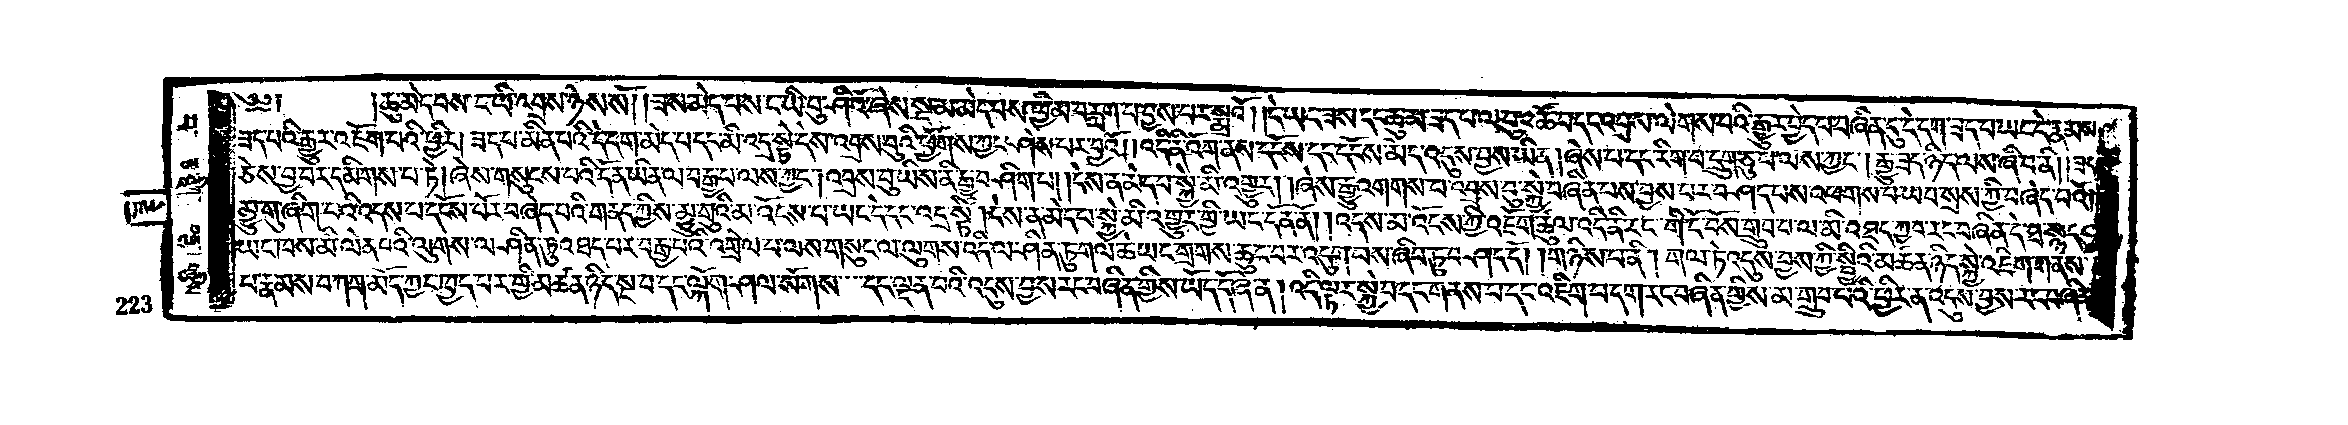༄༅། །ཆུ་མེད་པས་ང་ཡི་འབྲས་ཉེས་སོ། །ཟས་མེད་པས་ང་ཡི་བུ་ཤིའོ་ཞེས་སྔ་མ་མེད་པས་ཕྱི་མ་བརླག་པ་བྱས་པར་སྨྲའོ། །དེ་ཡང་ཟས་དང་ཆུ་མ་ཟད་པ་ལ་བུ་འཚོ་བ་དང་འབྲས་ལེགས་པའི་རྒྱུར་བྱེད་པ་བཞིན་དུ་དེ་དག་ཟད་པ་ཡང་དེ་རྣམས་
ཟད་པའི་རྒྱུར་འཇོག་པའི་ཕྱིར། ཟད་པ་མིན་པའི་དེ་དག་མེད་པ་དང་མི་འདྲ་སྟེ་དེས་འབྲས་བུའི་ཕྱོགས་ཀྱང་ཤེས་པར་བྱའོ། །འདི་ནི་འོག་ནས་དངོས་དང་དངོས་མེད་འདུས་བྱས་ཡིན། ཞེས་པ་དང་རིག་པ་དྲུག་ཅུ་པ་ལས་ཀྱང་། རྒྱུ་ཟད་ཉིད་ལས་ཞི་བ་ནི། །ཟད་
ཅེས་བྱ་བར་དམིགས་པ་ཏེ། ཞེས་གསུངས་པའི་དོན་ཡིན་ལ་བརྒྱ་པ་ལས་ཀྱང་། འབྲས་བུ་ཡིས་ནི་རྒྱུ་བཤིག་པ། །དེས་ན་མེད་པ་སྐྱེ་མི་འགྱུར། །ཞེས་རྒྱུ་འགགས་པ་འབྲས་བུ་སྐྱེ་བཞིན་པས་བྱས་པར་བཤད་པས་འཕགས་པ་ཡབ་སྲས་ཀྱི་བཞེད་པའོ།
མྱུ་གུ་ཞིག་པའི་འདས་པ་དངོས་པོར་བཞེད་པའི་གནད་ཀྱིས་མྱུ་གུའི་མ་འོངས་པ་ཡང་དེ་དང་འདྲ་སྟེ། དེས་ན་མེད་པ་སྐྱེ་མི་འགྱུར་གྱི་ཡང་དོན་ནོ། །འདས་མ་འོངས་ཀྱི་འཇོག་ཚུལ་འདི་ནི་རང་གི་ངོ་བོས་གྲུབ་པ་ལ་མི་འཐད་ཀྱང་རང་བཞིན་དེ་ཐ་སྙད་དུ་
ཡང་ཁས་མི་ལེན་པའི་ལུགས་ལ་ཤིན་ཏུ་འཐད་པར་བརྒྱ་པའི་འགྲེལ་པ་ལས་གསུང་ལ་ལུགས་འདི་ལ་ཤིན་ཏུ་གལ་ཆེ་ཡང་གྲགས་ཆུང་བར་འདུག་པས་ཞིབ་ཏུ་བཤད་དོ། །གཉིས་པ་ནི། གལ་ཏེ་འདུས་བྱས་ཀྱི་སྤྱིའི་མཚན་ཉིད་སྐྱེ་འཇིག་གནས་
པ་རྣམས་བཀག་མོད་ཀྱང་ཁྱད་པར་གྱི་མཚན་ཉིད་སྲ་བ་དང་ལྐོག་ཤལ་སོགས་དང་ལྡན་པའི་འདུས་བྱས་རང་བཞིན་གྱིས་ཡོད་དོ་ཞེ་ན། འདི་ལྟར་སྐྱེ་བ་དང་གནས་པ་དང་འཇིག་པ་དག་རང་བཞིན་གྱིས་མ་གྲུབ་པའི་ཕྱིར་ན་འདུས་བྱས་རང་བཞིན་